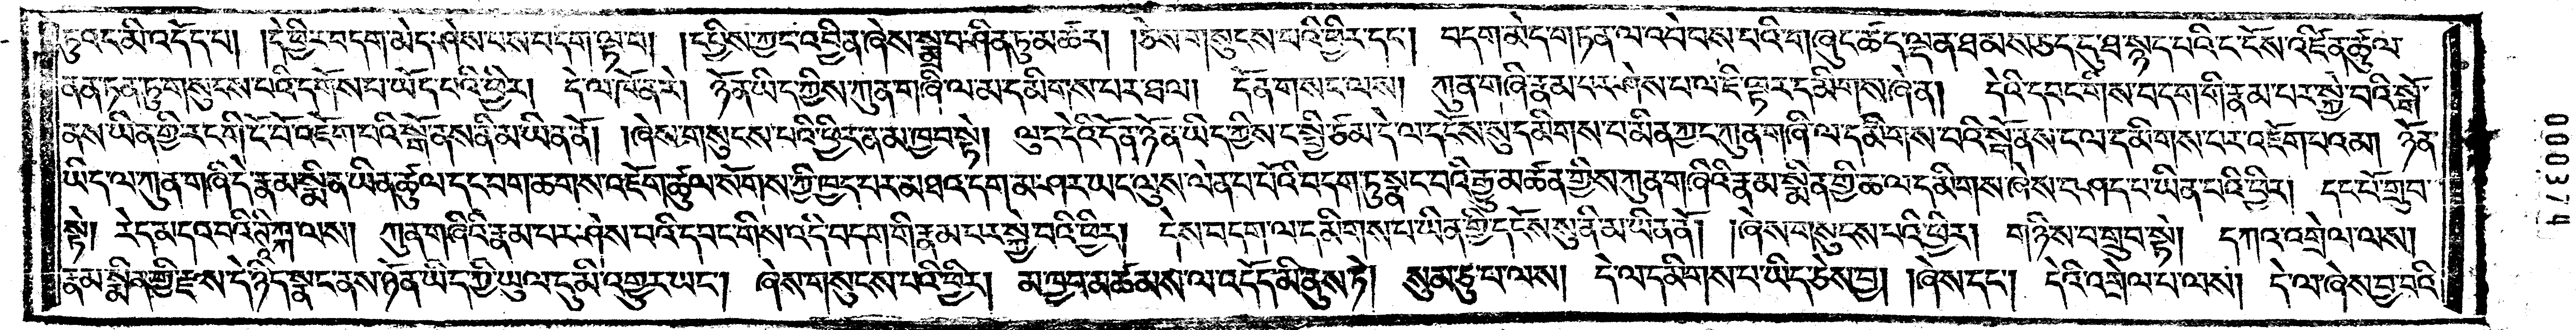ཏུའང་མི་འདོད་པ། །དེ་ཕྱིར་བདག་མེད་ཤེས་པས་བདག་ལྟ་བ། །དཔྱིས་ཀྱང་འབྱིན་ཞེས་སྨྲ་བ་ཤིན་ཏུ་མཚར། །ཅེས་གསུངས་པའི་ཕྱིར་དང་། བདག་མེད་གཏན་ལ་འབེབས་པའི་གཞུང་ཚད་ལྡན་ཐམས་ཅད་དུ་ཐ་སྙད་པའི་ང་ངོས་འཛིན་ཚུལ་
ནན་ཏན་ཏུ་གསུངས་པའི་དགོས་པ་ཡོད་པའི་ཕྱིར། དེ་ལ་ཁོ་ན་རེ། ཉོན་ཡིད་ཀྱིས་ཀུན་གཞི་ལ་མ་དམིགས་པར་ཐལ། དོན་གསང་ལས། ཀུན་གཞི་རྣམ་པར་ཤེས་པ་ལ་ཇི་ལྟར་དམིགས་ཞེ་ན། དེའི་དབང་གིས་བདག་གི་རྣམ་པར་སྐྱེ་བའི་སྒོ་
ནས་ཡིན་གྱི་རང་གི་ངོ་བོ་འཇོག་པའི་སྒོ་ནས་ནི་མ་ཡིན་ནོ། །ཞེས་གསུངས་པའི་ཕྱིར་ན་མ་ཁྱབ་སྟེ། ལུང་དེའི་དོན་ཉོན་ཡིད་ཀྱིས་ང་སྤྱི་ཙམ་དེ་ལ་དངོས་སུ་དམིགས་པ་མིན་ཀྱང་ཀུན་གཞི་ལ་དམིགས་པའི་སྒོ་ནས་ང་ལ་དམིགས་པར་འཇོག་པའམ། ཉོན་
ཡིད་ལ་ཀུན་གཞི་དེ་རྣམ་སྨིན་ཡིན་ཚུལ་དང་བག་ཆགས་འཇོག་ཚུལ་སོགས་ཀྱི་ཁྱད་པར་མཐའ་དག་མ་ཤར་ཡང་ལུས་ལེན་པ་པོའི་བདག་ཏུ་སྣང་བའི་རྒྱུ་མཚན་གྱིས་ཀུན་གཞིའི་རྣམ་སྨིན་གྱི་ཆ་ལ་དམིགས་ཞེས་བཤད་པ་ཡིན་པའི་ཕྱིར། དང་པོ་གྲུབ་
སྟེ། རེད་མདའ་བའི་ཊཱིཀྐ་ལས། ཀུན་གཞིའི་རྣམ་པར་ཤེས་པའི་དབང་གིས་འདི་བདག་གི་རྣམ་པར་སྐྱེ་བའི་ཕྱིར། དེས་བདག་ལ་དམིགས་པ་ཡིན་གྱི་དངོས་སུ་ནི་མ་ཡིན་ནོ། །ཞེས་གསུངས་པའི་ཕྱིར། གཉིས་པ་གྲུབ་སྟེ། དཀའ་འགྲེལ་ལས།
རྣམ་སྨིན་གྱི་རྫས་དེ་ཉིད་སྣང་ནས་ཉོན་ཡིད་ཀྱི་ཡུལ་དུ་མི་འགྱུར་ཡང་། ཞེས་གསུངས་པའི་ཕྱིར། མ་ཁྱབ་མཚམས་ལ་འདོད་མི་ནུས་ཏེ། སུམ་ཅུ་པ་ལས། དེ་ལ་དམིགས་པ་ཡིད་ཅེས་བྱ། །ཞེས་དང་། དེའི་འགྲེལ་པ་ལས། དེ་ལ་ཞེས་བྱ་བའི་